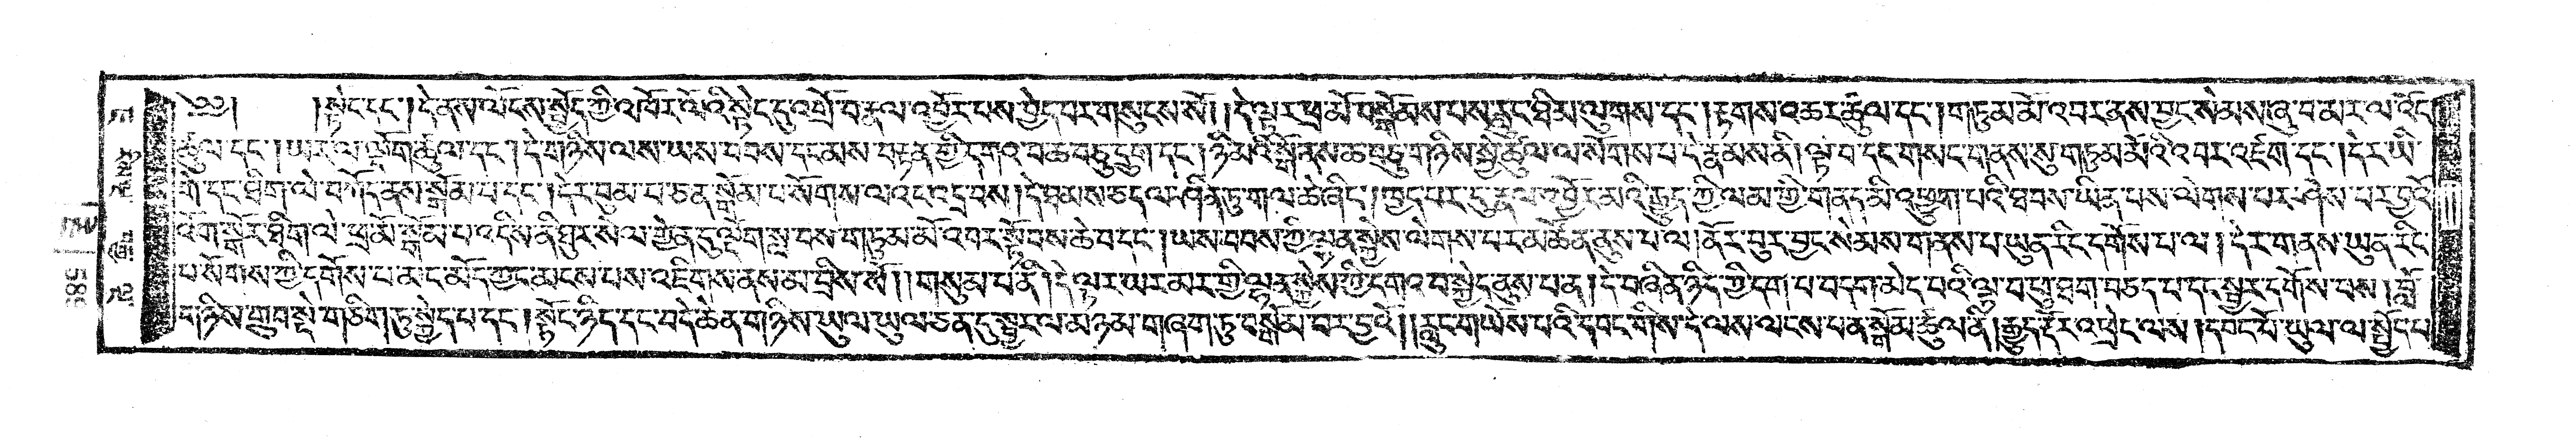༄༅། །སྟེང་དང་། དེ་ནས་ལོངས་སྤྱོད་ཀྱི་འཁོར་ལོའི་སྟེང་དུ་འགྲོ་བ་རྣལ་འབྱོར་པས་བྱེད་པར་གསུངས་སོ། །དེ་ལྟར་ཕྲ་མོ་བསྒོམས་པས་རླུང་ཐིམ་ལུགས་དང་། རྟགས་འཆར་ཚུལ་དང་། གཏུམ་མོ་འབར་ནས་བྱང་སེམས་ཞུ་བ་མར་ལ་འོང་
ཚུལ་དང་། ཡར་ལ་ལྡོག་ཚུལ་དང་། དེ་གཉིས་ལས་ཡས་བབས་དང་མས་བརྟན་གྱི་དགའ་བ་ཆ་བཅུ་དྲུག་དང་། ཉི་མའི་སྒོ་ནས་ཆ་བཅུ་གཉིས་སྐྱེ་ཚུལ་ལ་སོགས་པ་དེ་རྣམས་ནི། ལྟེ་བ་དང་གསང་གནས་སུ་གཏུམ་མོའི་འབར་འཛག་དང་། དེར་ཡི་
གེ་དང་ཐིག་ལེ་བཀོད་ནས་སྒོམ་པ་དང་། དེར་བུམ་པ་ཅན་སྒོམ་པ་སོགས་ལའང་འདྲ་བས། དེ་ཐམས་ཅད་ལ་ཤིན་ཏུ་གལ་ཆེ་ཞིང་། ཁྱད་པར་དུ་རྣལ་འབྱོར་མའི་རྒྱུད་ཀྱི་ལམ་གྱི་གནད་མི་འཕྱུག་པའི་ཐབས་ཡིན་པས་ལེགས་པར་ཤེས་པར་བྱའོ། །
འོག་སྒོར་ཐིག་ལེ་ཕྲ་མོ་སྒོམ་པ་འདིས་ནི་ཐུར་སེལ་གྱེན་དུ་ལྡོག་སླ་བས་གཏུམ་མོ་འབར་སྟོབས་ཆེ་བ་དང་། ཡས་བབས་ཀྱི་ལྷན་སྐྱེས་ལེགས་པར་མཚོན་ནུས་པ་ལ། ནོར་བུར་བྱང་སེམས་གནས་པ་ཡུན་རིང་དགོས་པ་ལ། དེར་གནས་ཡུན་རིང་
པ་སོགས་ཀྱི་དགོས་པ་མང་མེད་ཀྱང་མངས་པས་འཇིགས་ནས་མ་བྲིས་སོ། །གསུམ་པ་ནི། དེ་ལྟར་ཡར་མར་གྱི་ལྷན་སྐྱེས་ཀྱི་དགའ་བ་སྐྱེད་ནུས་པ་ན། དེ་བཞིན་ཉིད་ཀྱི་དག་པ་བདག་མེད་པའི་ལྟ་བ་ཕུ་ཐག་བཅད་པ་དང་སྦྱར་དགོས་པས། བློ་
གཉིས་གྲུབ་སྡེ་གཅིག་ཏུ་སྐྱེད་པ་དང་། སྟོང་ཉིད་དང་བདེ་ཆེན་གཉིས་ཡུལ་ཡུལ་ཅན་དུ་སྦྱར་ལ་མཉམ་གཞག་ཏུ་བསྒོམ་པར་བྱའོ། །རླུང་གཡོས་པའི་དབང་གིས་དེ་ལས་ལངས་པ་ན་སྒོམ་ཚུལ་ནི། རྒྱུད་རྡོར་འཕྲེང་ལས། དབང་པོ་ཡུལ་ལ་སྤྱོད་པ་